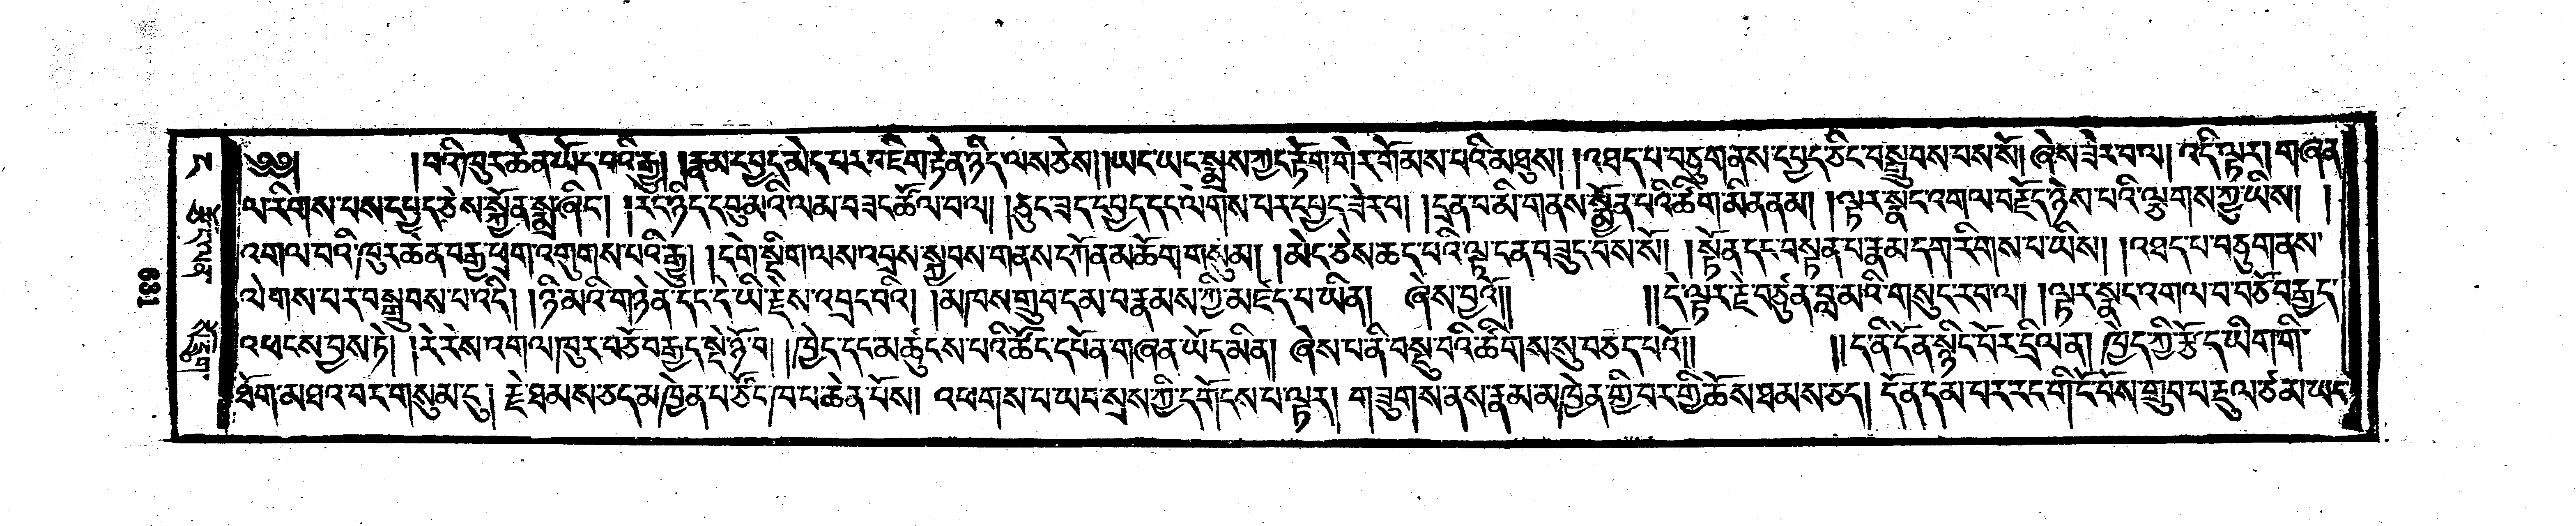༄༅། །བའི་ཁུར་ཆེན་ཡོད་པའི་རྒྱུ། །རྣམ་དཔྱད་མེད་པར་འཇིག་རྟེན་ཉིད་ལས་ཅེས། །ཡང་ཡང་སྨྲས་ཀྱང་རྟོག་གེར་གོམས་པའི་མཐུས། །འཐད་པ་བཅུག་ནས་དཔྱད་ཅིང་བསྒྲུབས་པས་སོ། ཞེས་ཟེར་བ་ལ། འདི་ལྟར། གཞན་
ལ་རིགས་པས་དཔྱད་ཅེས་སྐྱོན་སྨྲ་ཞིང་། །རང་ཉིད་དབུ་མའི་ལམ་བཟང་ཚོལ་བ་ལ། །ཅུང་ཟད་དཔྱད་དང་ལེགས་པར་དཔྱད་ཟེར་བ། །དྲན་པ་མི་གནས་སྨྱོན་པའི་ཚིག་མིན་ནམ། །ལྟར་སྣང་འགལ་བརྗོད་ཉེས་པའི་ལྕགས་ཀྱུ་ཡིས། །
འགལ་བའི་ཁུར་ཆེན་བརྒྱ་ཕྲག་འགུགས་པའི་རྒྱུ། །དགེ་སྡིག་ལས་འབྲས་སྐྱབས་གནས་དཀོན་མཆོག་གསུམ། །མེད་ཅེས་ཆད་པའི་ལྟ་ངན་བཟུང་བས་སོ། །སྟོན་དང་བསྟན་པ་རྣམ་དག་རིགས་པ་ཡིས། །འཐད་པ་བཅུག་ནས་
ལེགས་པར་བསྒྲུབས་པ་འདི། །ཉི་མའི་གཉེན་དང་དེ་ཡི་རྗེས་འབྲང་བའི། །མཁས་གྲུབ་དམ་པ་རྣམས་ཀྱི་མཛད་པ་ཡིན། ཞེས་བྱའོ།། །།དེ་ལྟར་རྗེ་བཙུན་བླ་མའི་གསུང་རབ་ལ། །ལྟར་སྣང་འགལ་བ་བཅོ་བརྒྱད་
འཕངས་བྱས་ཏེ། །རེ་རེས་འགལ་ཁུར་བཅོ་བརྒྱད་སྡེ་ཉོ་བ། །ཁྱེད་དང་མཚུངས་པའི་ཚོང་དཔོན་གཞན་ཡོད་མིན། ཞེས་པ་ནི་བསྡུ་བའི་ཚིགས་སུ་བཅད་པའོ།། །།ད་ནི་དོན་སྙིང་པོར་དྲིལ་ན། ཁྱེད་ཀྱི་རྩོད་ཡིག་གི་
ཐོག་མཐའ་བར་གསུམ་དུ། རྗེ་ཐམས་ཅད་མཁྱེན་པ་ཙོང་ཁ་པ་ཆེན་པོས། འཕགས་པ་ཡབ་སྲས་ཀྱི་དགོངས་པ་ལྟར། གཟུགས་ནས་རྣམ་མཁྱེན་གྱི་བར་གྱི་ཆོས་ཐམས་ཅད། དོན་དམ་པར་རང་གི་ངོ་བོས་གྲུབ་པ་རྡུལ་ཙམ་ཡང་